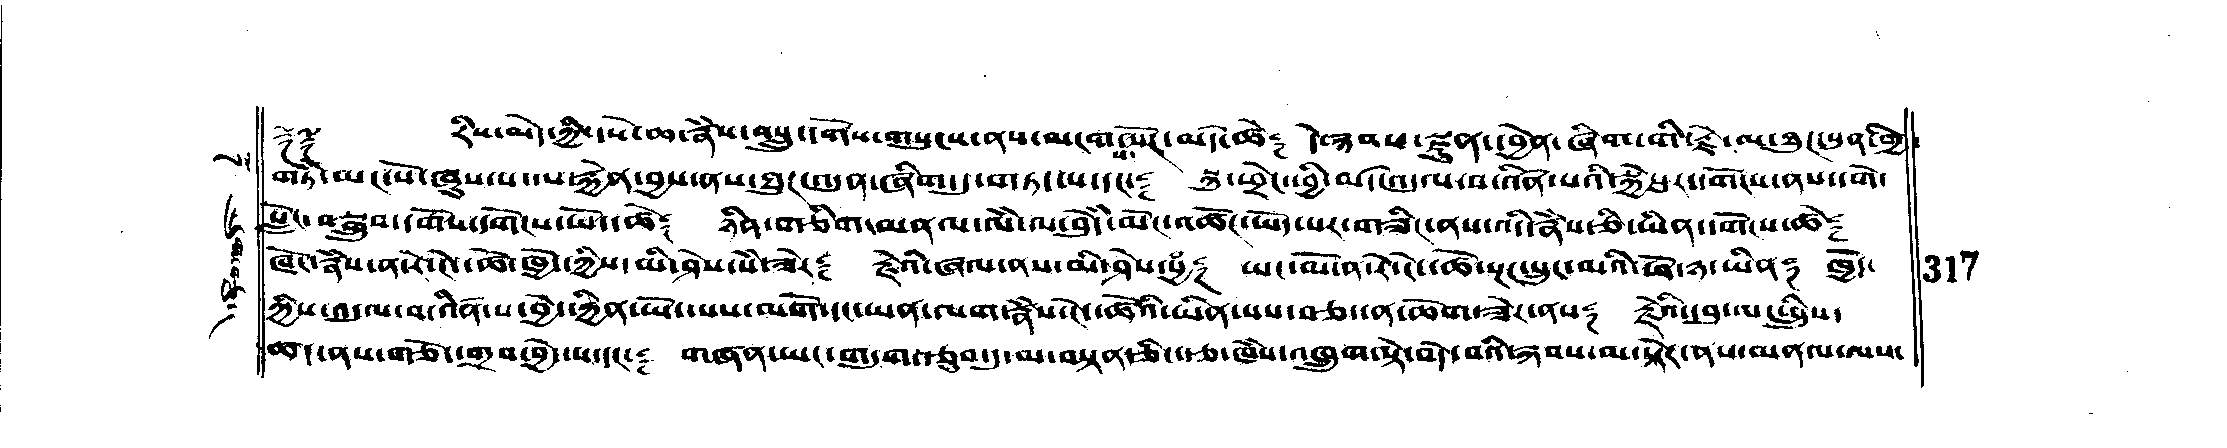རིས་མེད་ཀྱི་དཔེ་ཆ་རྣམས་བླུ་དགོས་གསུངས་ནས་མངག་པ་སོགས་མཛད་ཚེ། དེ་སྐབས་རྫུན་དབྱེན་ཞིག་གི་རྗེ་ལ་ཐུགས་སུན་གྱི་
གཏམ་མང་པོ་ཞུས་པ་ལ་རྐྱེན་བྱས་ནས་ཐུགས་འདུན་ཞིག་དུ་གཏད་པ་དང་། སྐུ་ཕྲེང་ཕྱི་མཛད་འདུལ་བ་འཛིན་པའི་སྐྱེས་བུར་དགོངས་ནས་དགེ་
སློང་བསྒྲུབ་དགོས་དགོངས་ཡོད་ཚེ། ཉིན་གཅིག་མནལ་ལམ་ལ་བུད་མེད་མང་པོ་འཚོགས་ཡོད་པར་གཟིགས་ནས་འདི་རྣམས་ཅི་ཡིན་དགོངས་ཚེ། 
ཁོང་རྣམས་ན་རེ་ངེད་ཚོ་ཁྱོད་ཀྱིས་མི་ཤེས་སམ་ཟེར། རྗེའི་ཞལ་ནས་མི་ཤེས་གསུང་། ཡང་མོ་ན་རེ་ངེད་ཚོ་སྔགས་སྲུང་མའི་ཕོ་ཉ་ཡིན། ཁྱོད་
ཀྱིས་འདུལ་བའི་འཛིན་པ་བྱེད་ཀྱིན་ཡོད་པས་མགོ་དང་ཡན་ལག་རྣམས་ངེད་ཚོའི་ཡིན་པས་བཅད་ན་ཆོག་ཟེར་ནས། རྗེའི་དབུ་ལ་སྤུ་བྲིས་
ཚད་ནས་གཅོད་གྲབས་བྱེད་པ་དང་། གཞན་ཡང་གདུག་རྩུབ་དུ་མ་བསྟན་ཅིང་རྩ་ཁམས་འཁྲུག་སྟེ་བདེ་བའི་སྐབས་མ་སྟེར་ནས་མནལ་ལས་